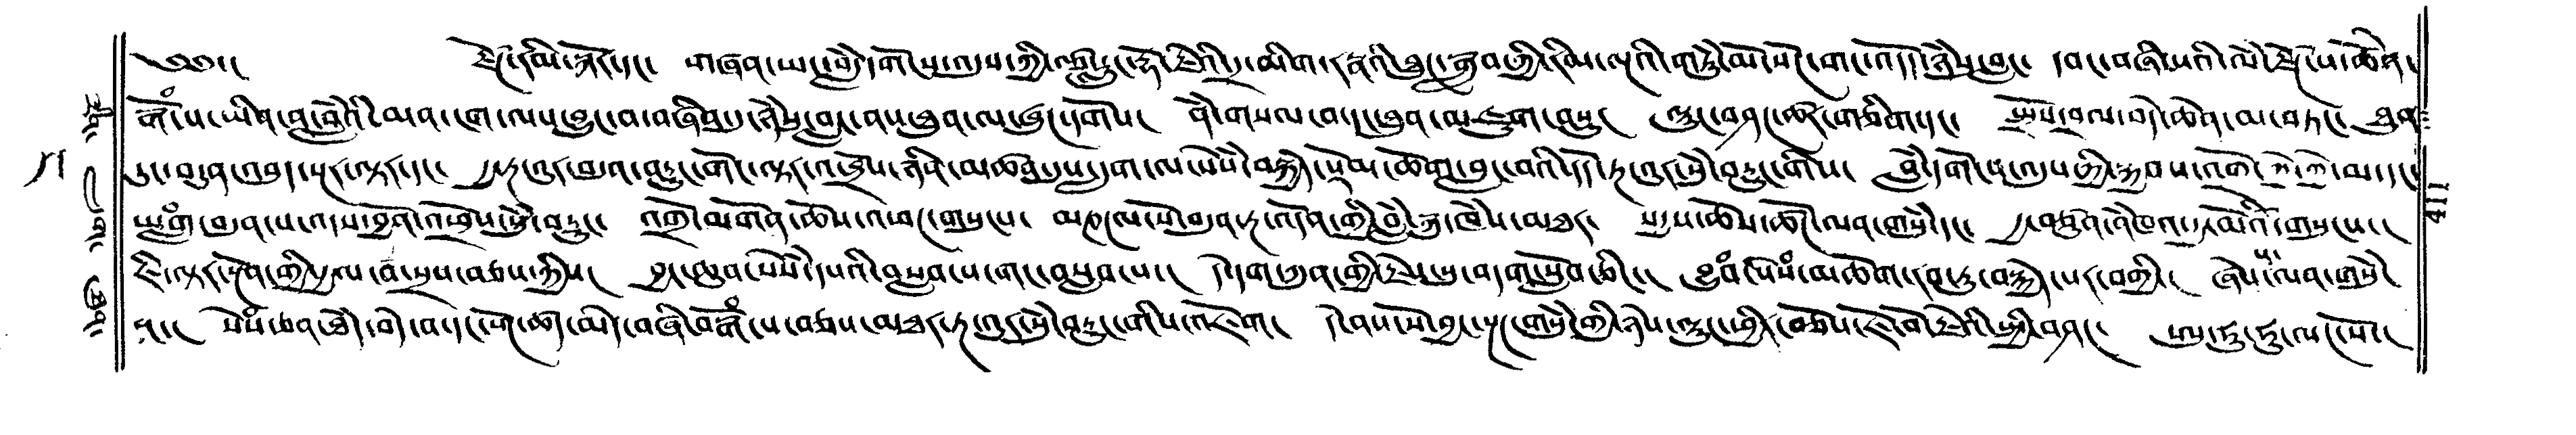རྫོགས་རིམ་སྐོར་དང་། གཞན་ཡང་བླ་མ་དགོངས་འདུས་ཀྱི་རྩ་རླུང་རྡོ་རྗེའི་དྲྭ་མིག་རཏྣའི་ཐུགས་སྒྲུབ་ཀྱི་རིམ་ལྔའི་གཏུམ་མོ་སོགས་གང་འདོད་ཉམས་སུ་བླང་། དབང་བཞི་པའི་ལམ་རྫོགས་པ་ཆེན་པོ་
སྒོམ་པ་ཡིན་ན་བླ་མའི་མན་ངག་ལས་བྱུང་བ་བཞིན་དུ་ཉམས་སུ་བླངས་ནས་ཐུན་ལ་ཞུགས་དགོས། ནམ་གསལ་བ་དང་ཐུན་མཇུག་བསྡུ། ལྟུང་བཤགས་ཚར་གཅིག་དང་། སྤྲོས་བྲལ་བདེ་ཆེན་མ་གཏང་། ཐུན་
དུང་བདུན་འབུད་སྔར་ལྟར་དང་། རྒྱ་རྔ་འུར་བདུན་རྡུང་གོང་ལྟར་འཕྲོས་ཉིན་མཚན་དུས་དྲུག་ལ་སེམས་བསྐྱེད་སྡོམ་ཆོག་བླང་བའི་དོད་རྔ་འུར་སུམ་རྡུང་གིས། བླ་དགོངས་འདུས་ཀྱི་སྐྱབས་འགྲོ་ཀྱེ་ཀྱེ་མ་དང་།
ཡན་ལག་བདུན་པ་འདས་བྱོན་འཕྲོས་སུམ་རྡུང་། འགྲོ་མགོན་ཆོས་འཕགས་གསུང་། མཎྜལ་སོ་བདུན་རྔ་འདོན་གྱི་བླ་མ་སྐུ་ཁམས་མཐར། སངས་རྒྱས་ཆོས་ཚོགས་ལན་གསུམ་དང་། རྒྱ་བཙུན་ནམ་མཁའ་རྒྱ་མཚོའི་གསུང་། 
ཇི་ལྟར་སྔོན་གྱི་རྒྱལ་བ་སྲས་བཅས་ཀྱིས། བྱང་ཆུབ་སེམས་དཔའི་བསླབ་པ་གང་བསླབས་པ། དེ་དག་ཀུན་གྱི་རྗེས་སུ་བདག་སློབ་ཅིང་། བྱང་ཆུབ་སེམས་མཆོག་རབ་ཏུ་སྐྱེད་པར་བགྱི། ཞེས་པ་ལན་གསུམ་
ནང་། སེམས་ཅན་ཐམས་ཅད་བདེ་བ་དང་སོགས་ཚད་མེད་བཞི་བསྒོམ་པ་བཅས་མཐར་རྔ་འུར་སུམ་རྡུང་གིས་འཇོག དེ་ནས་སོ་བྱང་སྔགས་གསུམ་གྱི་ཉེས་ལྟུང་ཕྱིར་བཅོས་ཇོ་བོ་རྗེའི་སྤྱི་བཤགས། ཨུ་ཧུ་ཧུ་ལགས་སོ།